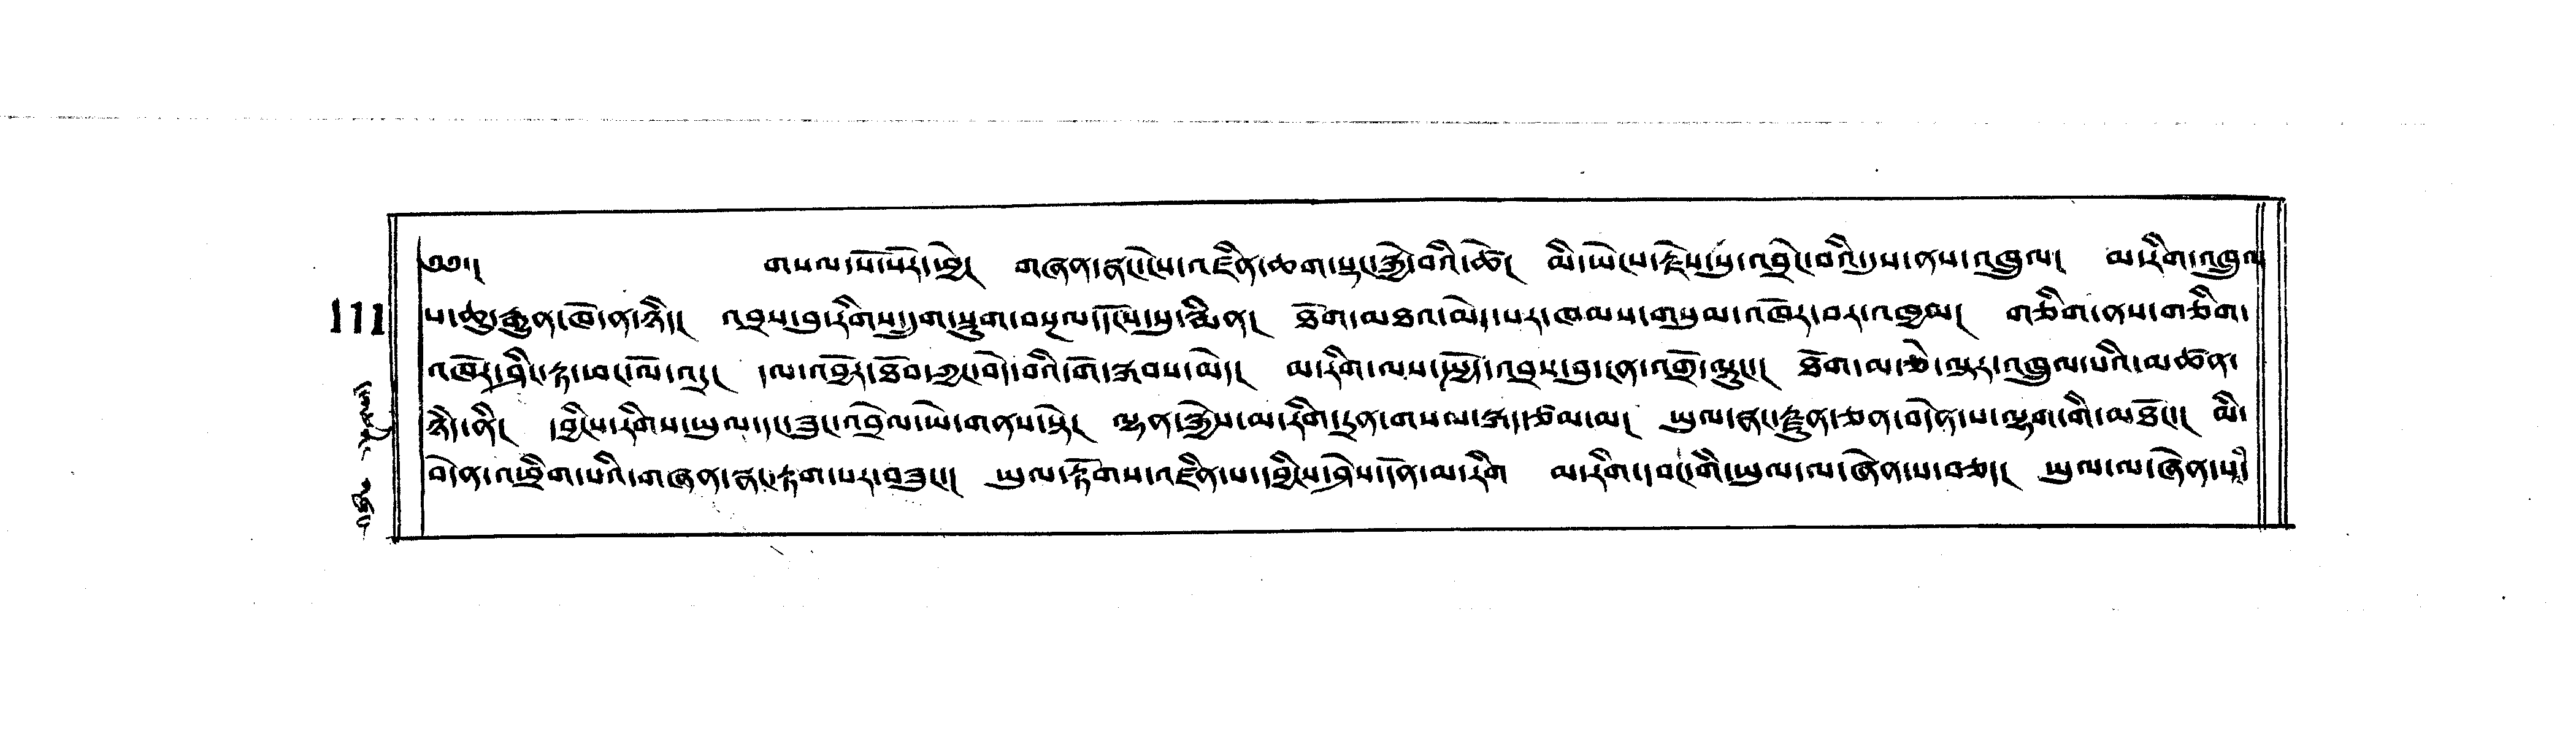གསལ་སོ་སོར་ཕྱེ། གཞན་སྣང་ངེས་འཛིན་ཆགས་སྡང་སྐྱེ་བའི་ཚེ། མི་ཡེངས་རྗེས་སུ་འབྲེང་བའི་དུས་ནས་འཁྲུལ། མ་རིག་འཁྲུལ་
པ་ཆུ་རྒྱུན་ཁོ་ན་ཉིད། འབྲས་བུ་རིགས་དྲུག་སྡུག་བསྔལ་དངོས་སུ་སྨིན། ཐོག་མཐའ་མེད་པར་ཁམས་གསུམ་འཁོར་བར་འཁྱམས། གཅིག་ནས་གཅིག་
འཁོར་ཤིང་རྟ་འཕང་ལོ་འདྲ། དལ་འབྱོར་ཐོབ་ཀྱང་བདེ་བའི་གོ་སྐབས་མེད། མ་རིག་ལས་སྤྱོད་འབྲས་བུ་ངན་འགྲོ་ལྟུང་། ཐོག་མ་ཅི་ལྟར་འཁྲུལ་པའི་མཚན་
ཉིད་ནི། དབྱིངས་རིག་ཡུལ་དང་ཟུང་འབྲེལ་ཡེ་གནས་ཏེ། ལྷན་སྐྱེས་མ་རིག་དྲན་གསལ་སྐད་ཙམ་ལ། ཡུལ་སྣང་རྫུན་ཅན་བདེན་པ་ལྷག་གིས་མཐོང་། མིི་
བདེན་འཕྲིག་པའི་གཞན་སྣང་རྟག་པར་བཟུང་། ཡུལ་རྟོག་འཛིན་པ་དབྱིངས་ཤེས་དོན་མ་རིག མ་རིག་དབང་གིས་ཡུལ་ལ་ཞེན་པ་བཅད། ཡུལ་ལ་ཞེན་པའི་